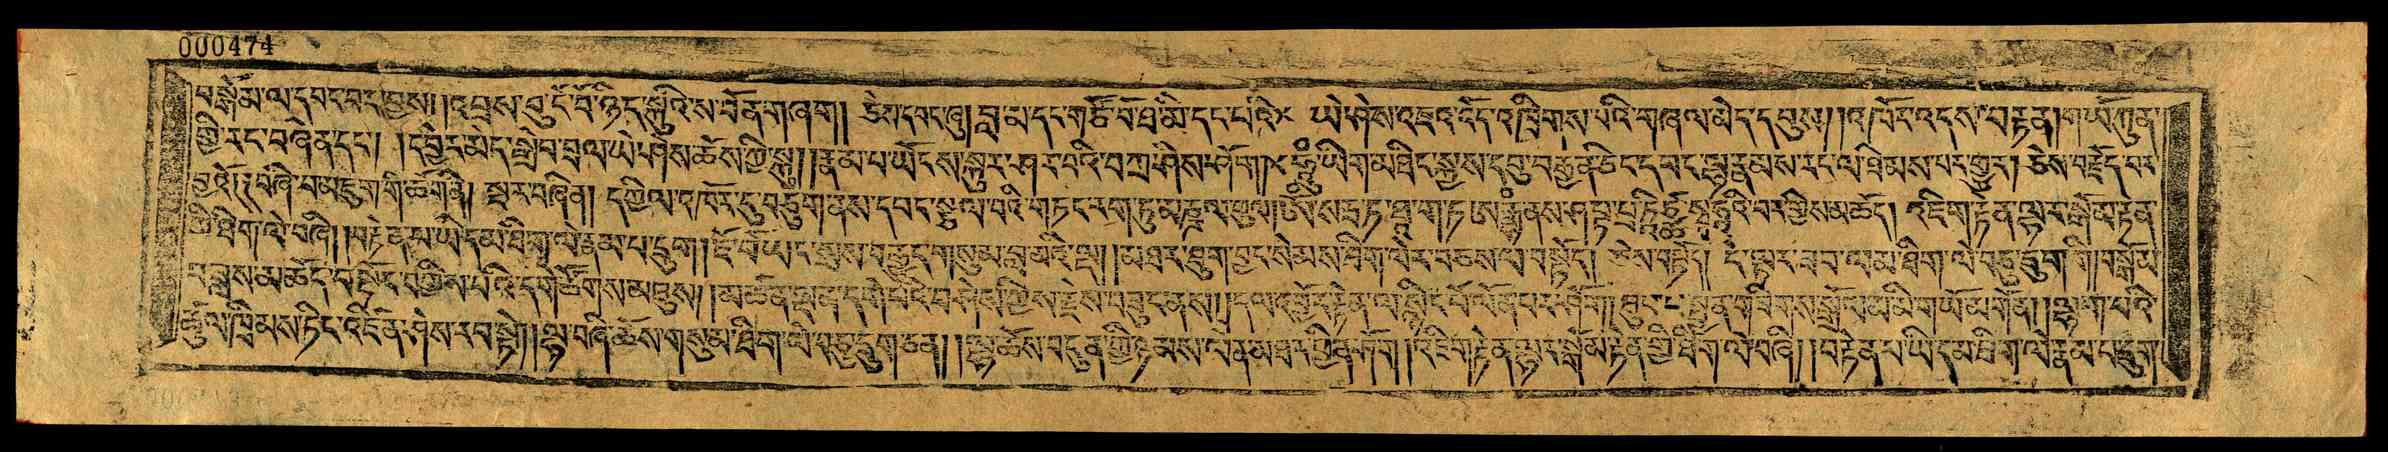བསྒོམ་པ་དབང་བར་བྱས། །འབྲས་བུ་ངོ་བོ་ཉིད་སྐུའི་ས་བོན་བཞག །ཅེས་དབང་ཞུ། བླ་མ་དང་གཙོ་བོ་ཐ་མི་དད་པའི་྾་ཡེ་ཤེས་འཇའ་འོད་འཁྲིགས་པའི་གཞལ་མེད་དབུས། །འཁོར་འདས་བརྟན་གཡོ་ཀུན་
གྱི་རང་བཞིན་དང་། །དབྱེར་མེད་སྒྲིབ་བྲལ་ཡེ་ཤེས་ཆོས་ཀྱི་སྐུ། །རྣམ་པ་ལོངས་སྐུར་ཤར་བའི་བཀྲ་ཤིས་ཤོག། ྾་ཧཱུཾ་ཡིག་མཐིང་སྐྱས་དབུ་བརྒྱན་ཅིང་དབང་ལྷ་རྣམས་རང་ལ་ཐིམ་པར་གྱུར། ཅེས་བརྗོད་པར་
བྱའོ༑ ༑བཞི་པ་མཇུག་གི་ཆོག་ག་ནི། སྔར་བཞིན། དཀྱིལ་འཁོར་དུ་བཅུག་ནས་དབང་སྩལ་བའི་གཏང་རག་ཏུ་མཎྜལ་ཕུལ། ཨོཾ་སརྦ་ཏ་ཐཱ་ག་ཏ་ཨ་རྒྷཾ་ནས་ཤཔྟ་པྲ་ཏཱི་ཙྪ་སྭཱ་ཧཱའི་བར་གྱིས་མཆོད། འཇིག་རྟེན་ལྷར་སྒོམ་རྟེན་
གྱི་ཐིག་ལེ་བཞི། །བརྟེན་པ་ཡི་དམ་ཐིག་ལེ་རྣམ་པ་དྲུག །ཇོ་བོ་ཡབ་སྲས་བརྒྱུད་གསུམ་བླ་མའི་ལྔ། །མཐར་ཐུག་བྱང་སེམས་ཐིག་ལེར་བཅས་ལ་བསྟོད། ཅེས་བསྟོད། དེ་ལྟར་ཟབ་ལམ་ཐིག་ཡེ་བཅུ་དྲུག་གི །བསྒོམ་
བཟླས་མཆོད་བསྟོད་བགྱིས་པའི་དགེ་ཚོགས་མཐུས། །མཚན་ལྡན་དགེ་བའི་བཤེས་ཀྱིས་རྗེས་བཟུང་ནས། །དལ་འབྱོར་རྟེན་ལ་སྙིང་པོ་ལོན་པར་ཤོག །ཐུབ་པ་སྤྱན་གཟིགས་སྒྲོལ་མ་མི་གཡོ་མགོན། །ལྷག་པའི་
ཚུལ་ཁྲིམས་ཏིང་འཛིན་ཤེས་རབ་སྟེ། །ལྷ་བཞི་ཆོས་གསུམ་ཐིག་ལེ་བཅུ་དྲུག་ཅན། །ལྷ་ཆོས་བདུན་གྱི་ཉམས་ལེན་མཐར་ཕྱིན་ཤོག །འཇིག་རྟེན་ལྷར་སྒོམ་རྟེན་གྱི་ཐིག་ལེ་བཞི། །བརྟེན་པ་ཡི་དམ་ཐིག་ལེ་རྣམ་པ་དྲུག །